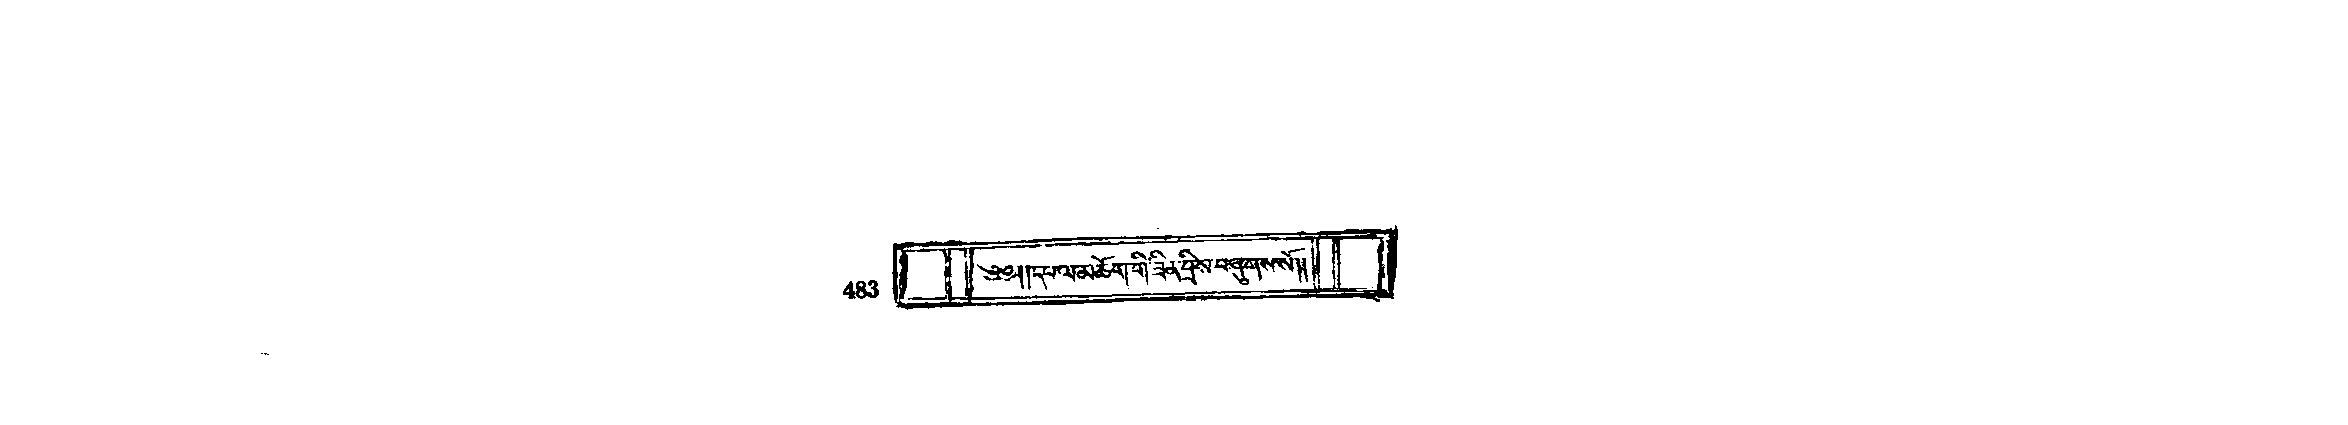༄༅། །དཔལ་མཆོག་གི་ཟིན་བྲིས་བཞུགས་སོ། །